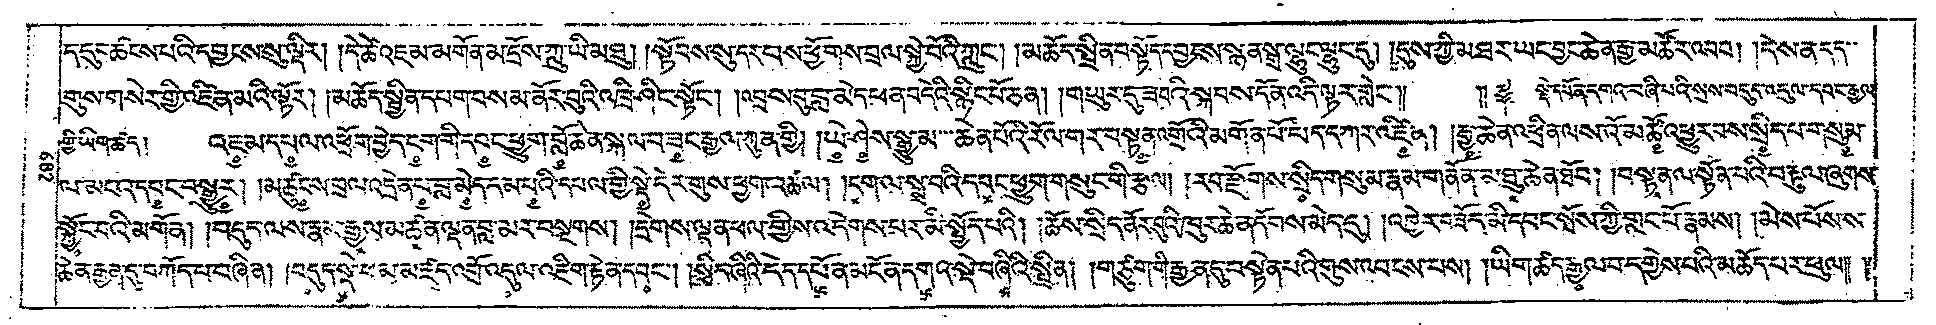ད་དུང་ཚངས་པའི་དབྱངས་སུ་ལྡིར། །དེ་ཚེ་འཇམ་མགོན་མ་དྲོས་ཀླུ་ཡི་མཐུ། །སྟོབས་སུ་དར་བས་ཕྱོགས་བྲལ་སྐྱེ་བོའི་ཀླུང་། །མཆོད་སྤྲིན་བསྟོད་དབྱངས་སྙན་སྒྲ་ལྷུང་ལྷུང་དུ། །དུས་ཀྱི་མཐར་ཡང་བྱང་ཆེན་རྒྱ་མཚོར་འབབ། །དེས་ན་དད་
གུས་གསེར་གྱི་འཛིན་མའི་ལྟོར། །མཆོད་སྦྱིན་དཔག་བསམ་ནོར་བུའི་འཁྲི་ཤིང་སྟོང་། །འབྲས་བུ་བླ་མེད་ཕན་བདེའི་སྙིང་པོ་ཅན། །གཡུར་དུ་ཟ་བའི་སྐབས་དོན་འདི་ལྟར་གླེང།། །།༈ སྡེ་དཔོན་དགའ་བཞི་པའི་སྲས་བདུད་འདུལ་དབང་རྒྱལ་
གྱི་ཡིག་ཚད། འཇམ྾་དཔལ྾་འཕྲོག་བྱེད་ངག྾་གི་དབང྾་ཕྱུག་བློ྾་ཆེན་སྐལ་བཟང྾་རྒྱལ་ཀུན་གྱི། །ཡེ྾་ཤེས྾་སྒྱུ་མ་ཆེན་པོའི་རོལ་གར་བསྟན྾་འགྲོའི་མགོན་པོ་པད་དཀར་འཛིན྾། །རྒྱ྾་ཆེན་འཕྲིན་ལས་འོ་མཚོ྾་འཕྱུར་བས་སྲིད྾་པ་གསུམ྾་
ལ་མངའ་དབང྾་བསྒྱུར྾། །མཚུངས྾་བྲལ་འདྲེན་པ྾་བླ་མེད྾་དམ་པའི྾་དཔལ་གྱི་སྡེ྾་དེར་གུས་ཕྱག་འཚལ། །ངག་྾་ལ་སྨྲ་བའི་དབང་྾་ཕྱུག་གསུང་྾་གི་རྩལ། །རབ་྾་རྫོགས་སྲིད྾་གསུམ་རྣམ་གནོན་མཐུ་྾་ཆེན་ཐོབ་྾། །བསྟན་྾་ལ་སྟོན་པའི་྾་བརྟུལ་ཞུགས་
སྐྱོང྾་བའི་མགོན། །བདུད་ལས་རྣམ་རྒྱལ་྾་མཚན་྾་ལྡན་བླ་མར་བསྔགས། །དྲེགས་ལྡན་ཕལ་གྱིས་འདེགས་པར་མི་སྤྱོད་པའི། །ཆོས་སྲིད་ནོར་བུའི་ཁུར་ཆེན་དོགས་མེད་དུ། །འཁྱེར་བཟོད་མི་དབང་སྤོས་ཀྱི་གླང་པོ་རྣམས། །མེས་པོས་ས་
ཆེན་རྒྱན་དུ་བཀོད་པ་བཞིན། །བདུད྾་སྡེ་~྾་ཕམ་མཛད་འགྲོ་འདུལ྾་འཇིག་རྟེན་དབང྾། །སྲིད་ཞིའི་དེད་དཔོན~྾་མངོན་དགའ་~྾་སྡེ་བཞིའི་~྾་སྤྲིན། །གཙུག་གི་རྒྱན་དུ་བསྟེན་པའི་གུས་འབངས་པས། །ཡིག་ཚད་རྒྱལ྾་བ་དགྱེས་པའི་མཆོད་པར་ཕུལ།། །།